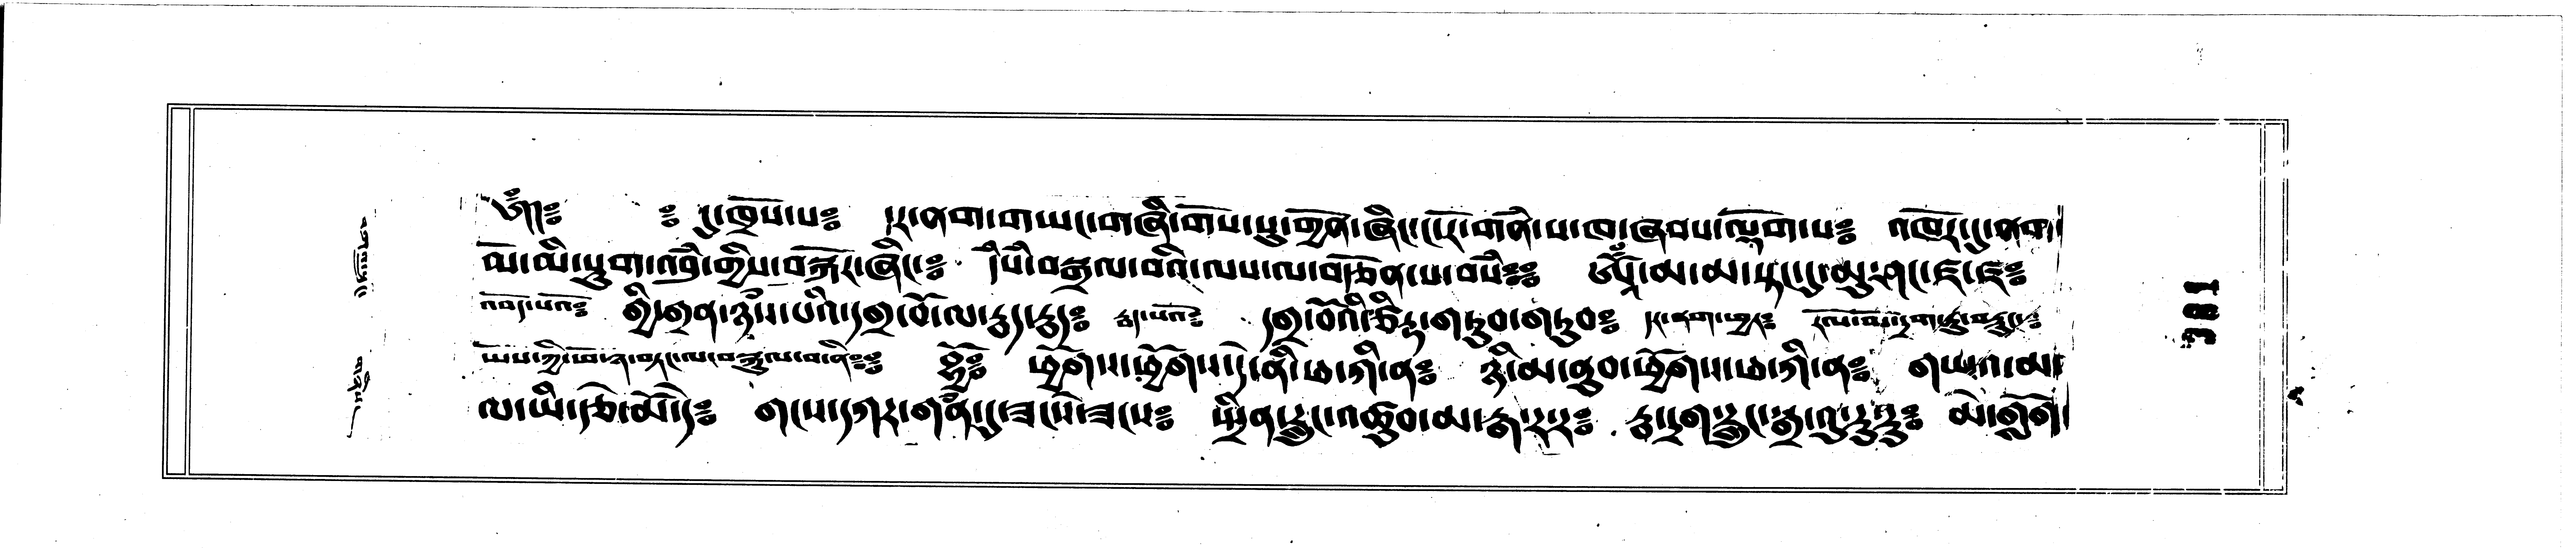༅།༔༔དུ་ཁྲོས་པ༔ དར་ནག་གཡང་གཞི་གོས་སུ་གྱོན་ཞིང་ང་རོ་གནམ་ས་ཁ་ཞབས་ལྷོག་པ༔འཁོར་དུ་ནག་
མོ་མི་སྡུག་འབུམ་གྱིས་བསྐོར་ཞིང་༔ དམ་ཉམས་བསྒྲལ་བའི་ལས་ལ་བརྩོན་པར་བསམ༔༔ ཨཱོཾ་མ་མ་སྟང་དུ་མུ་ཤང་ཛ་ཛ༔
 འབོད་པའོ༔ གྱི་གྲན་ཉམས་པའི་དགྲ་བོ་ལ་རྦད་རྦད༔ རྦད་པའོ༔ དགྲ་བོའི་ཙི་རྟ་གཏུབ་གཏུབ༔ དར་ནག་ཕྱར༔ རོལ་མོ་དྲག་ཏུ་བརྡུང་༔ 
ཡེ་ཤེས་ཀྱི་ཕོ་ཉ་བཏང་ལ་བསྐུལ་བ་ནི༔༔ བྷྱོ༔ ཕྱོགས་ཕྱོགས་དེ་ནི་ཕ་ཀི་ན༔ ཉི་མ་ནུབ་ཕྱོགས་ཕ་ཀི་ན༔ གཡའ་མ་
ལ་ཡི་རྩེ་མོ་དེ༔ གངས་དཀར་གནམ་དུ་ཟངས་སེ་ཟངས༔ སྤྲིན་རླུང་འཚུབ་མ་སྒ་ར་ར༔ རྦ་དྲག་རླུང་སྒྲ་འུ་རུ་རུ༔ མེ་གློག་